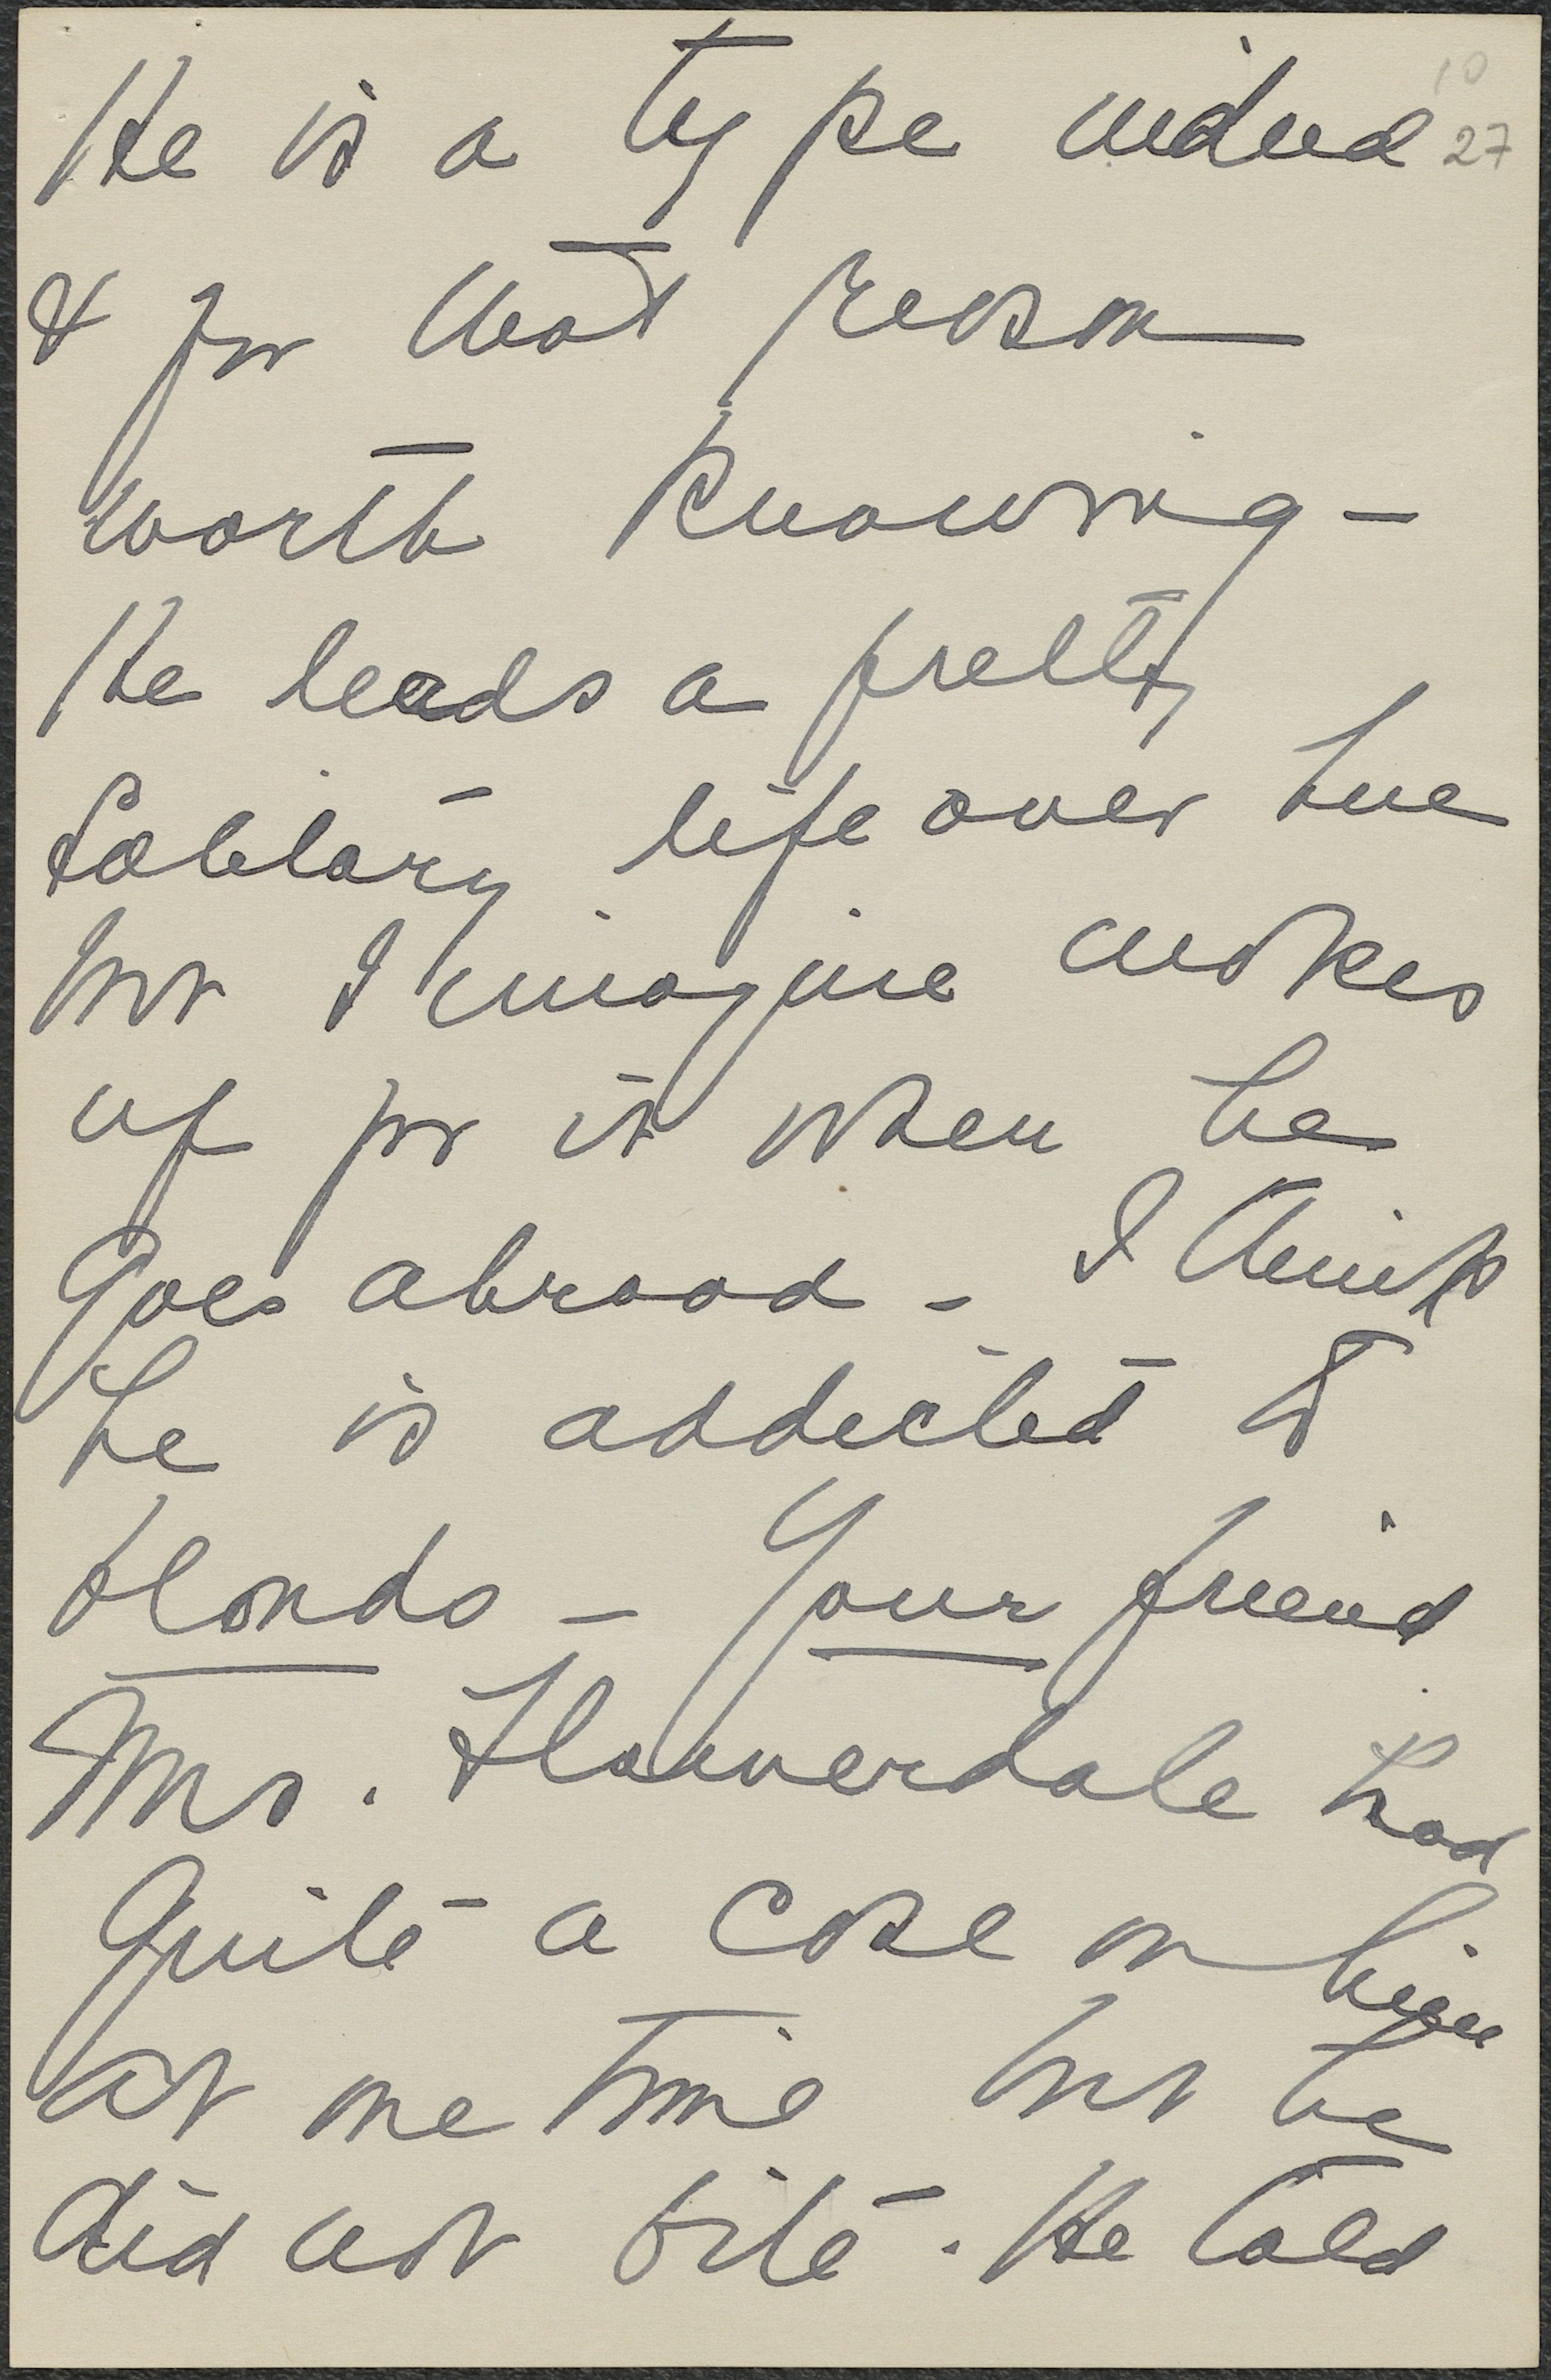He is a type indeed & for that reason worth knowing – He leads a pretty solitary life over here but I imagine makes up for it when he goes abroad – I think he is addicted to blonds – Your friend Mrs. Flowerdale had quite a case on him at one time but he did not bite. He told